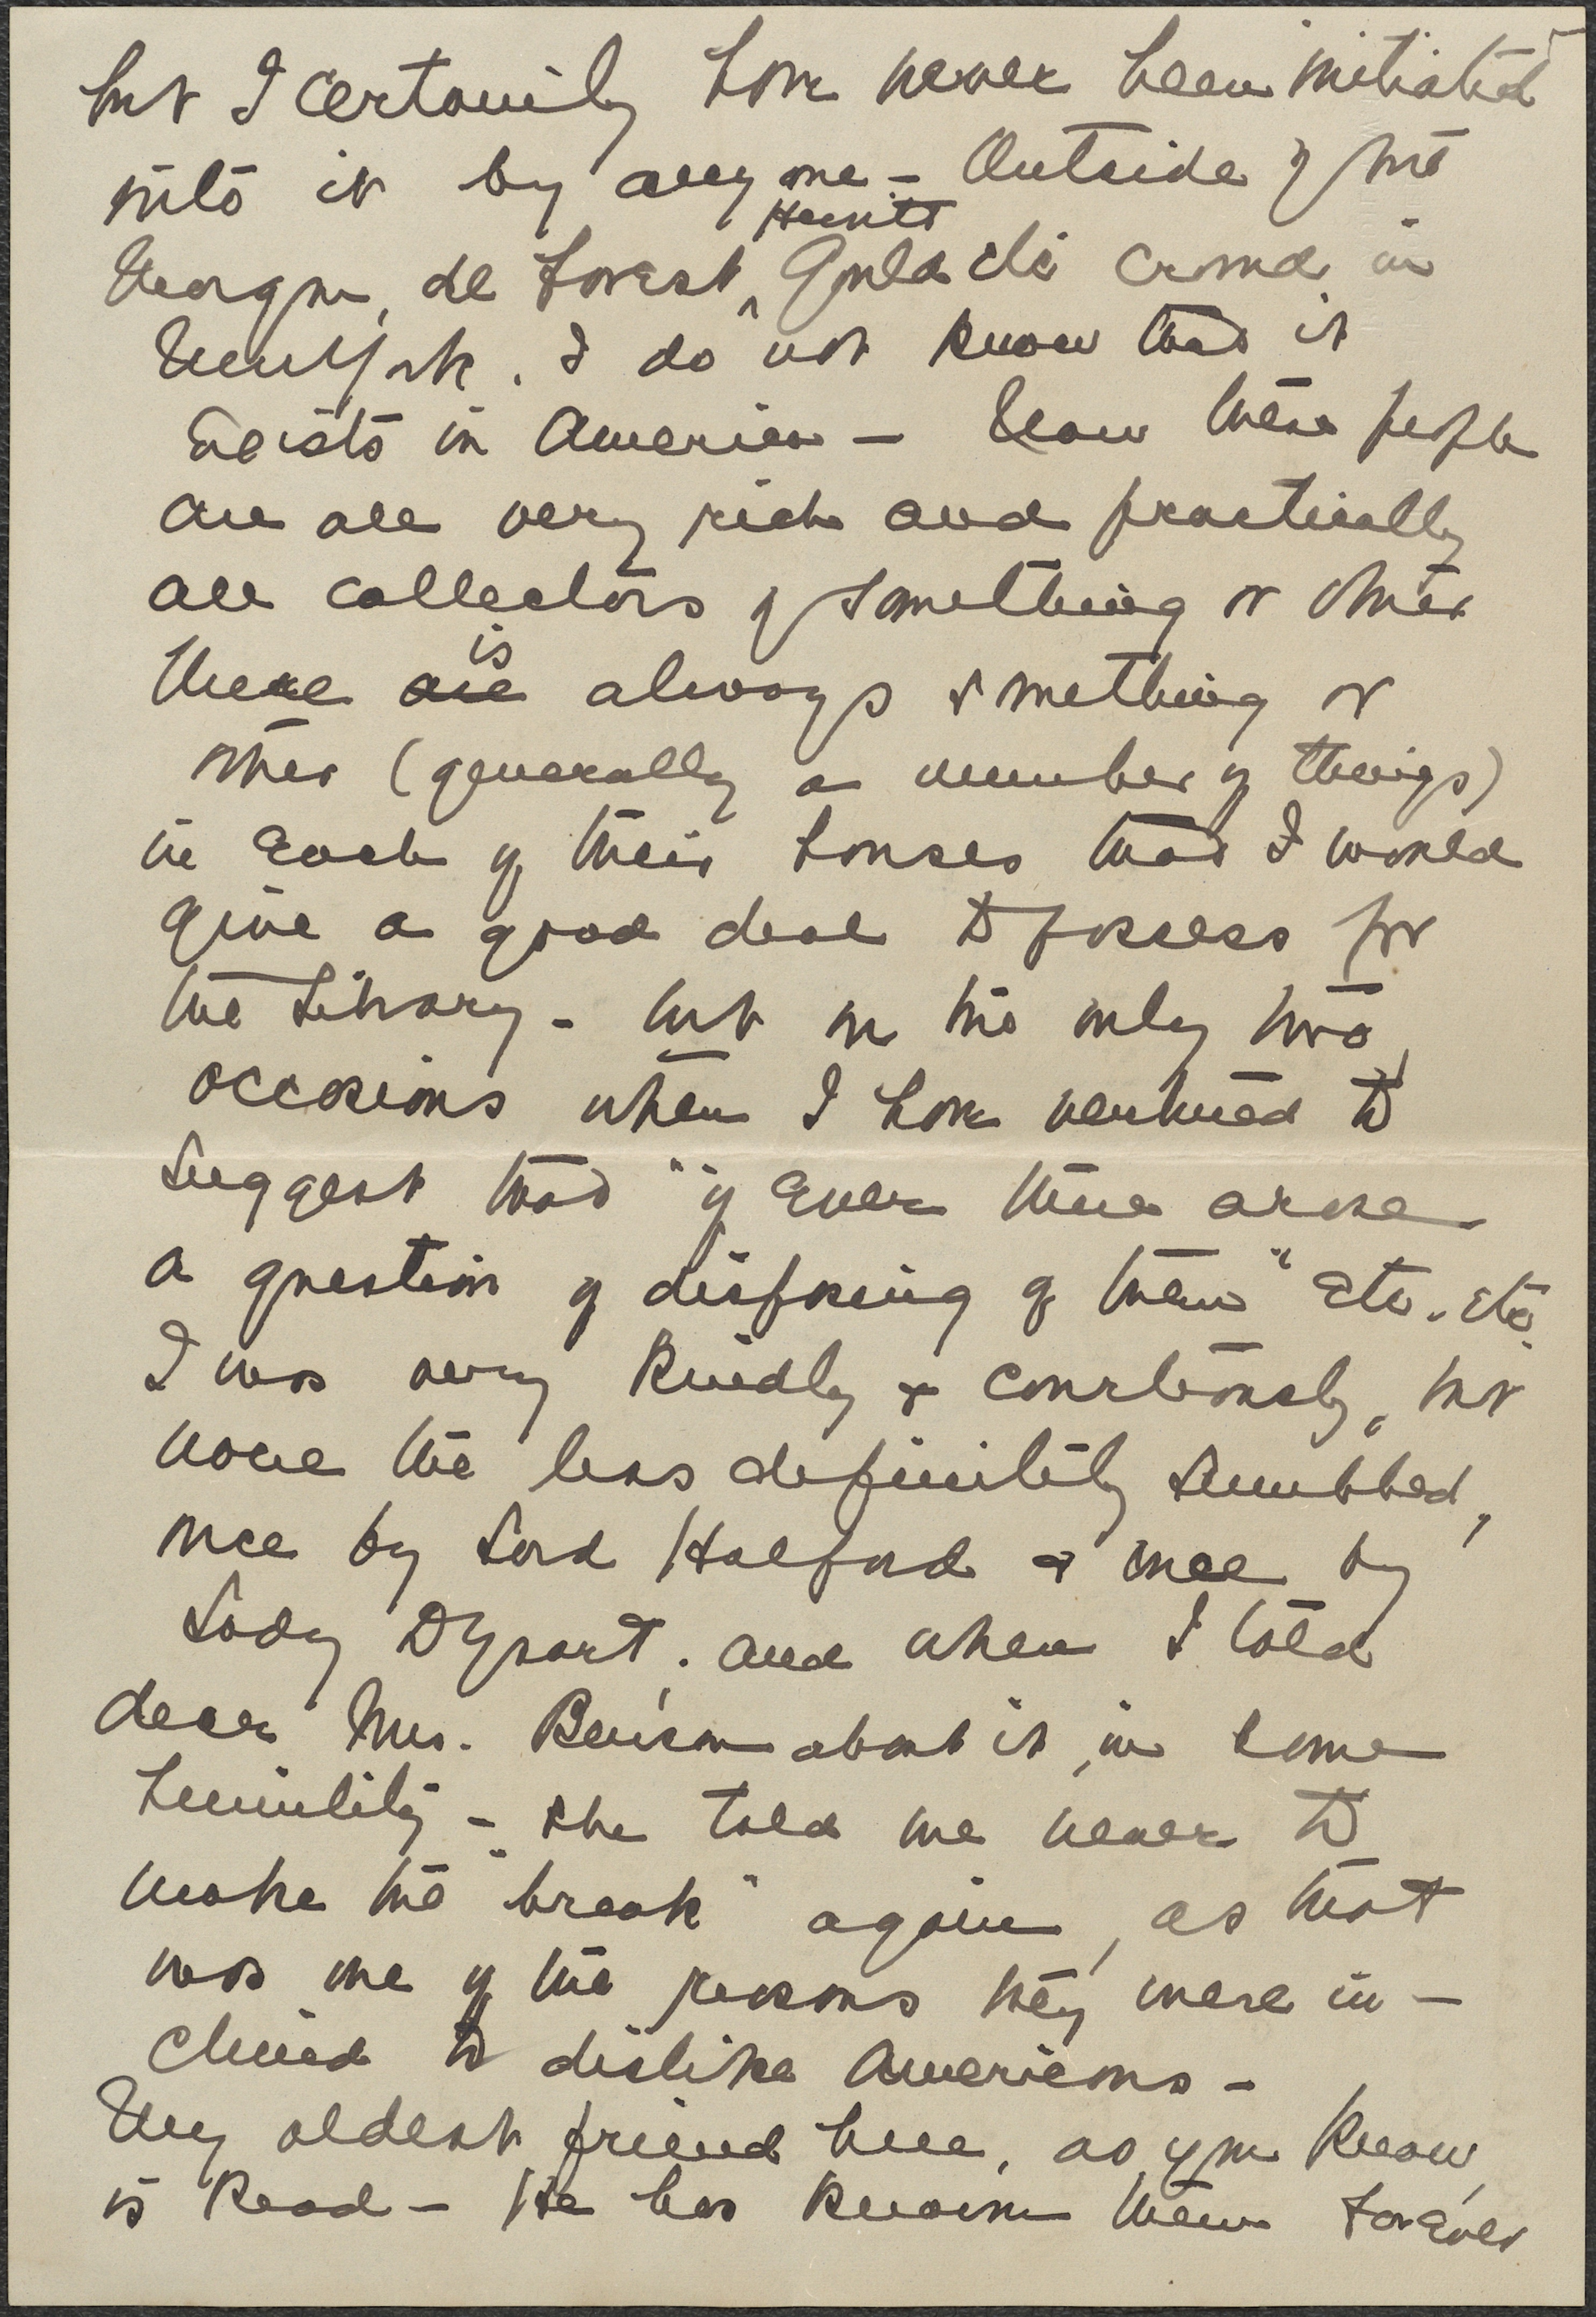but I certainly have never been initiated into it by anyone – Outside of the Morgan, de Forest [^Hewitt^] Gould clic crowd in New York. I do not know that it exists in America – Now these people are all very rich and practically all collectors of something or other There are [^is^] always something or other (generally a number of things) in each of their houses that I would give a good deal to possess for the Library – but on the only two occasions when I have ventured to suggest that "if ever there arose a question of disposing of them" etc. etc. I was very kindly & courteously, but none the less definitely snubbed, once by Lord Halford & once by Lady Dysart; and when I told dear Mrs. Benson about it, in some humility – she told me never to make the "break" again, as that was one of the reasons they were inclined to dislike Americans –
My oldest friend here, as you know, is Read – He has known them forever